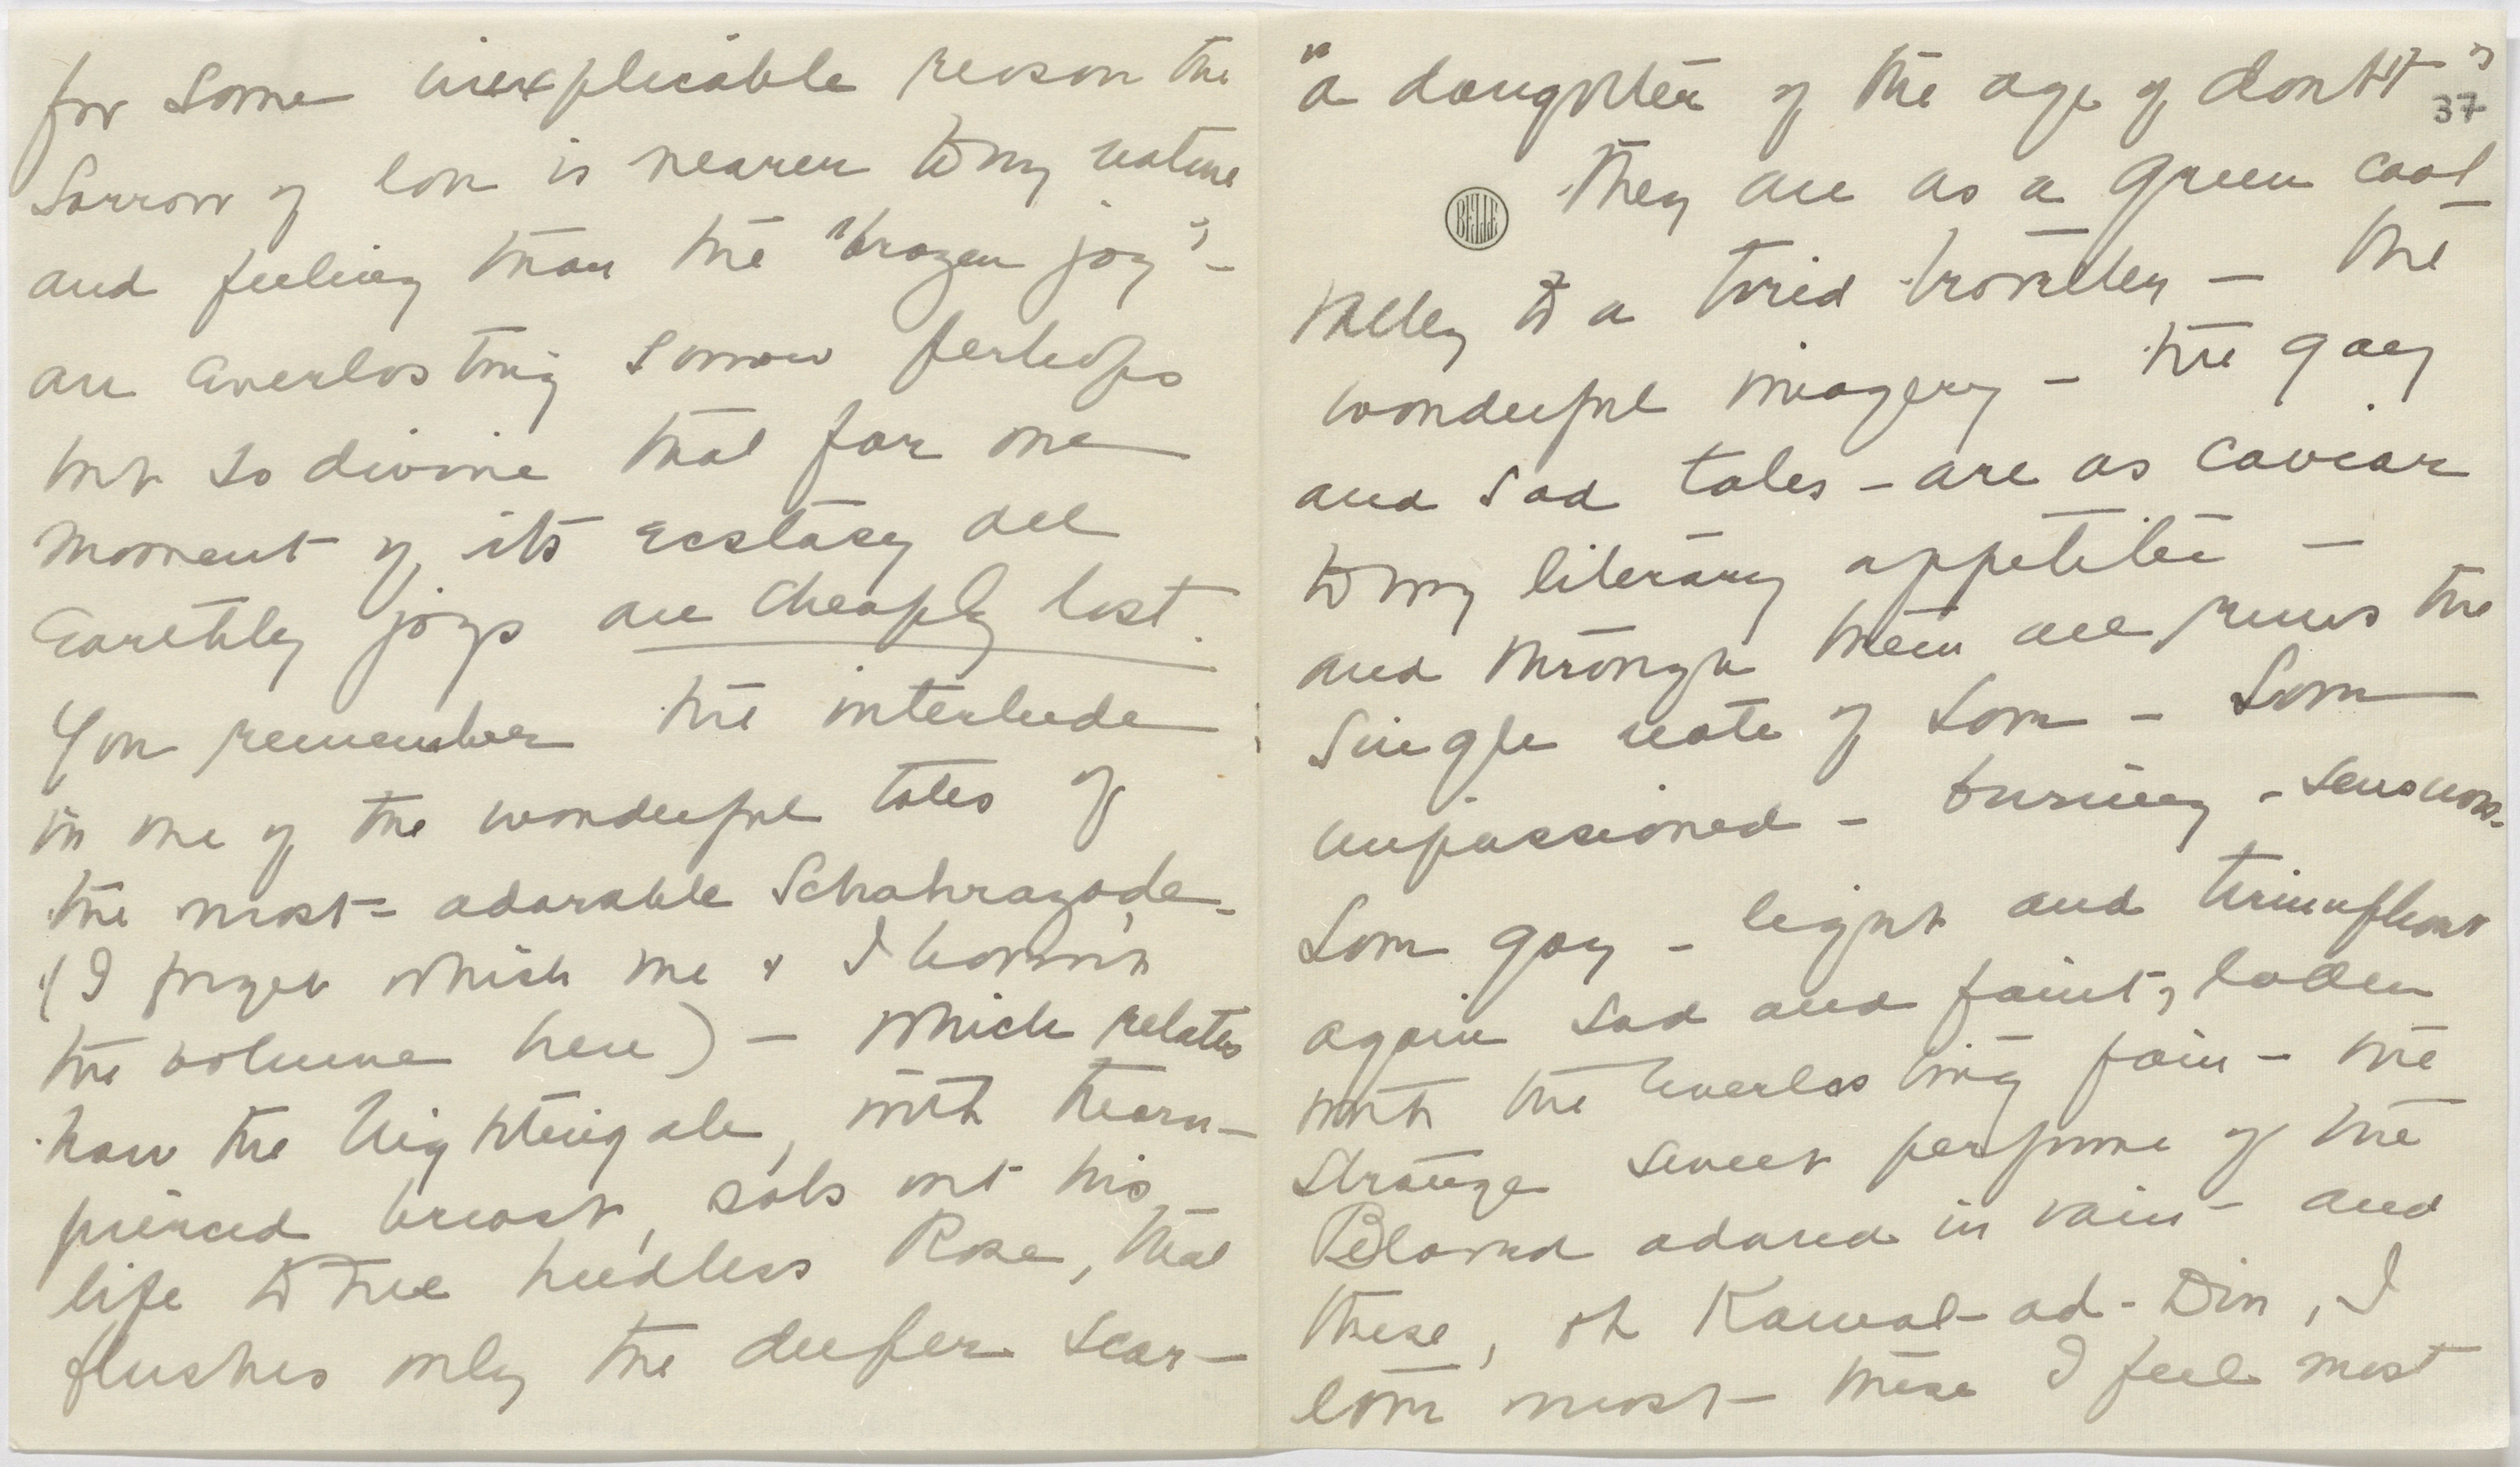“a daughter of the age of doubt”
They are as a green cool valley to a tired traveller – the wonderful imagery – the gay and sad tales – are as caviar to my literary appetites – and through them all runs the single note of love – love impassioned – burning – sensuous – love gay – light and triumphant again sad and faint, laden with the everlasting pain – the strange sweet perfume of the Beloved adored in vain – and these, oh Kamal-ad-Din, I love most – these I feel most
for some inexplicable reason the sorrow of love is nearer to my nature and feeling than the “brazen joy” – an everlasting sorrow perhaps but so divine that for one moment of its ecstasy all earthly joys are cheaply lost. You remember the interlude in one of the wonderful tales of the most-adorable Schahrazade [sic] – (I forget which one & I haven’t the volume here) – which relates how the Nightingale, with thorn-pierced breast, [sets?] out his life to the heedless Rose, that flushes only the deeper scarlet